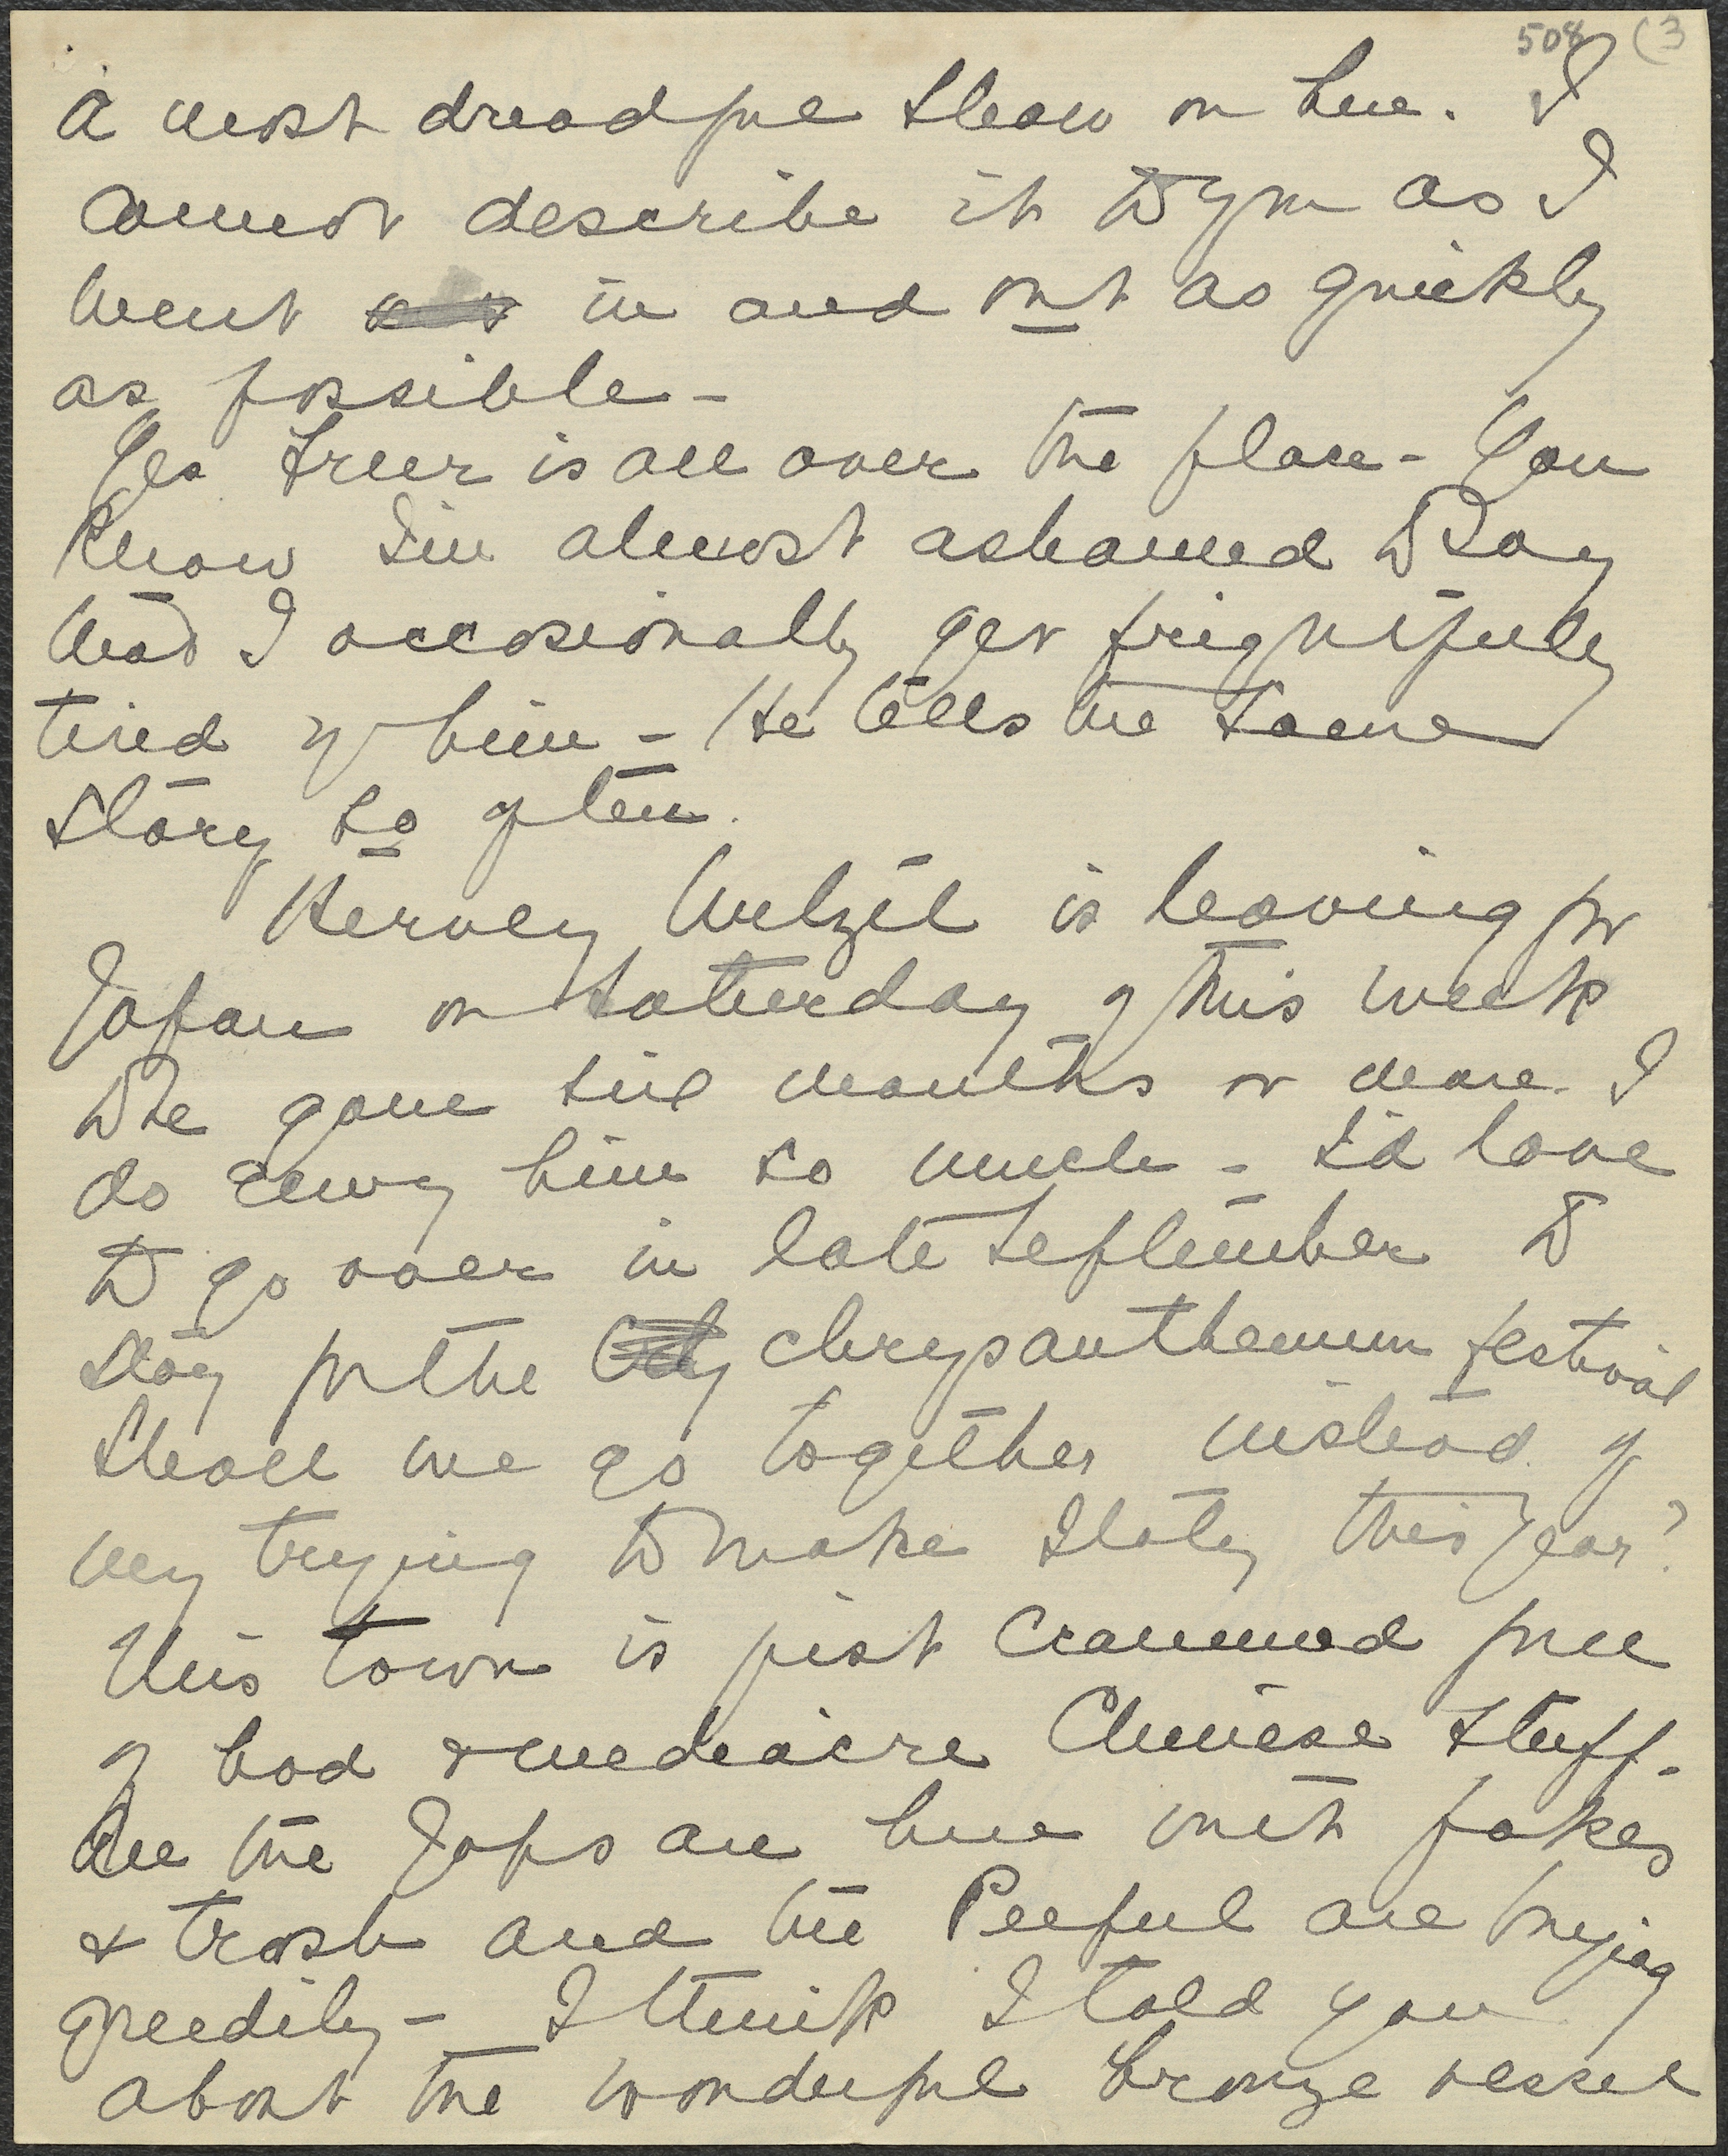a most dreadful show on here. I cannot describe it to you as I went out in and out as quickly as possible –
Yes Freer is all over the place – You know I'm almost ashamed to say that I occasionally get frightfully tired of him – He tells the same story so often.
Hervey Wetzel is leaving for Japan on Saturday of this week to be gone six months or more. I do envy him so much – I'd love to go over in late September to stay for the Crhy chrysanthemum festival Shall we go together instead of my trying to make Italy this year?
This town is just crammed full of bad & mediocre Chinese stuff. All the Japs are here with fakes & trash and the Peepul are buying greedily – I think I told you about the wonderful bronze vessel